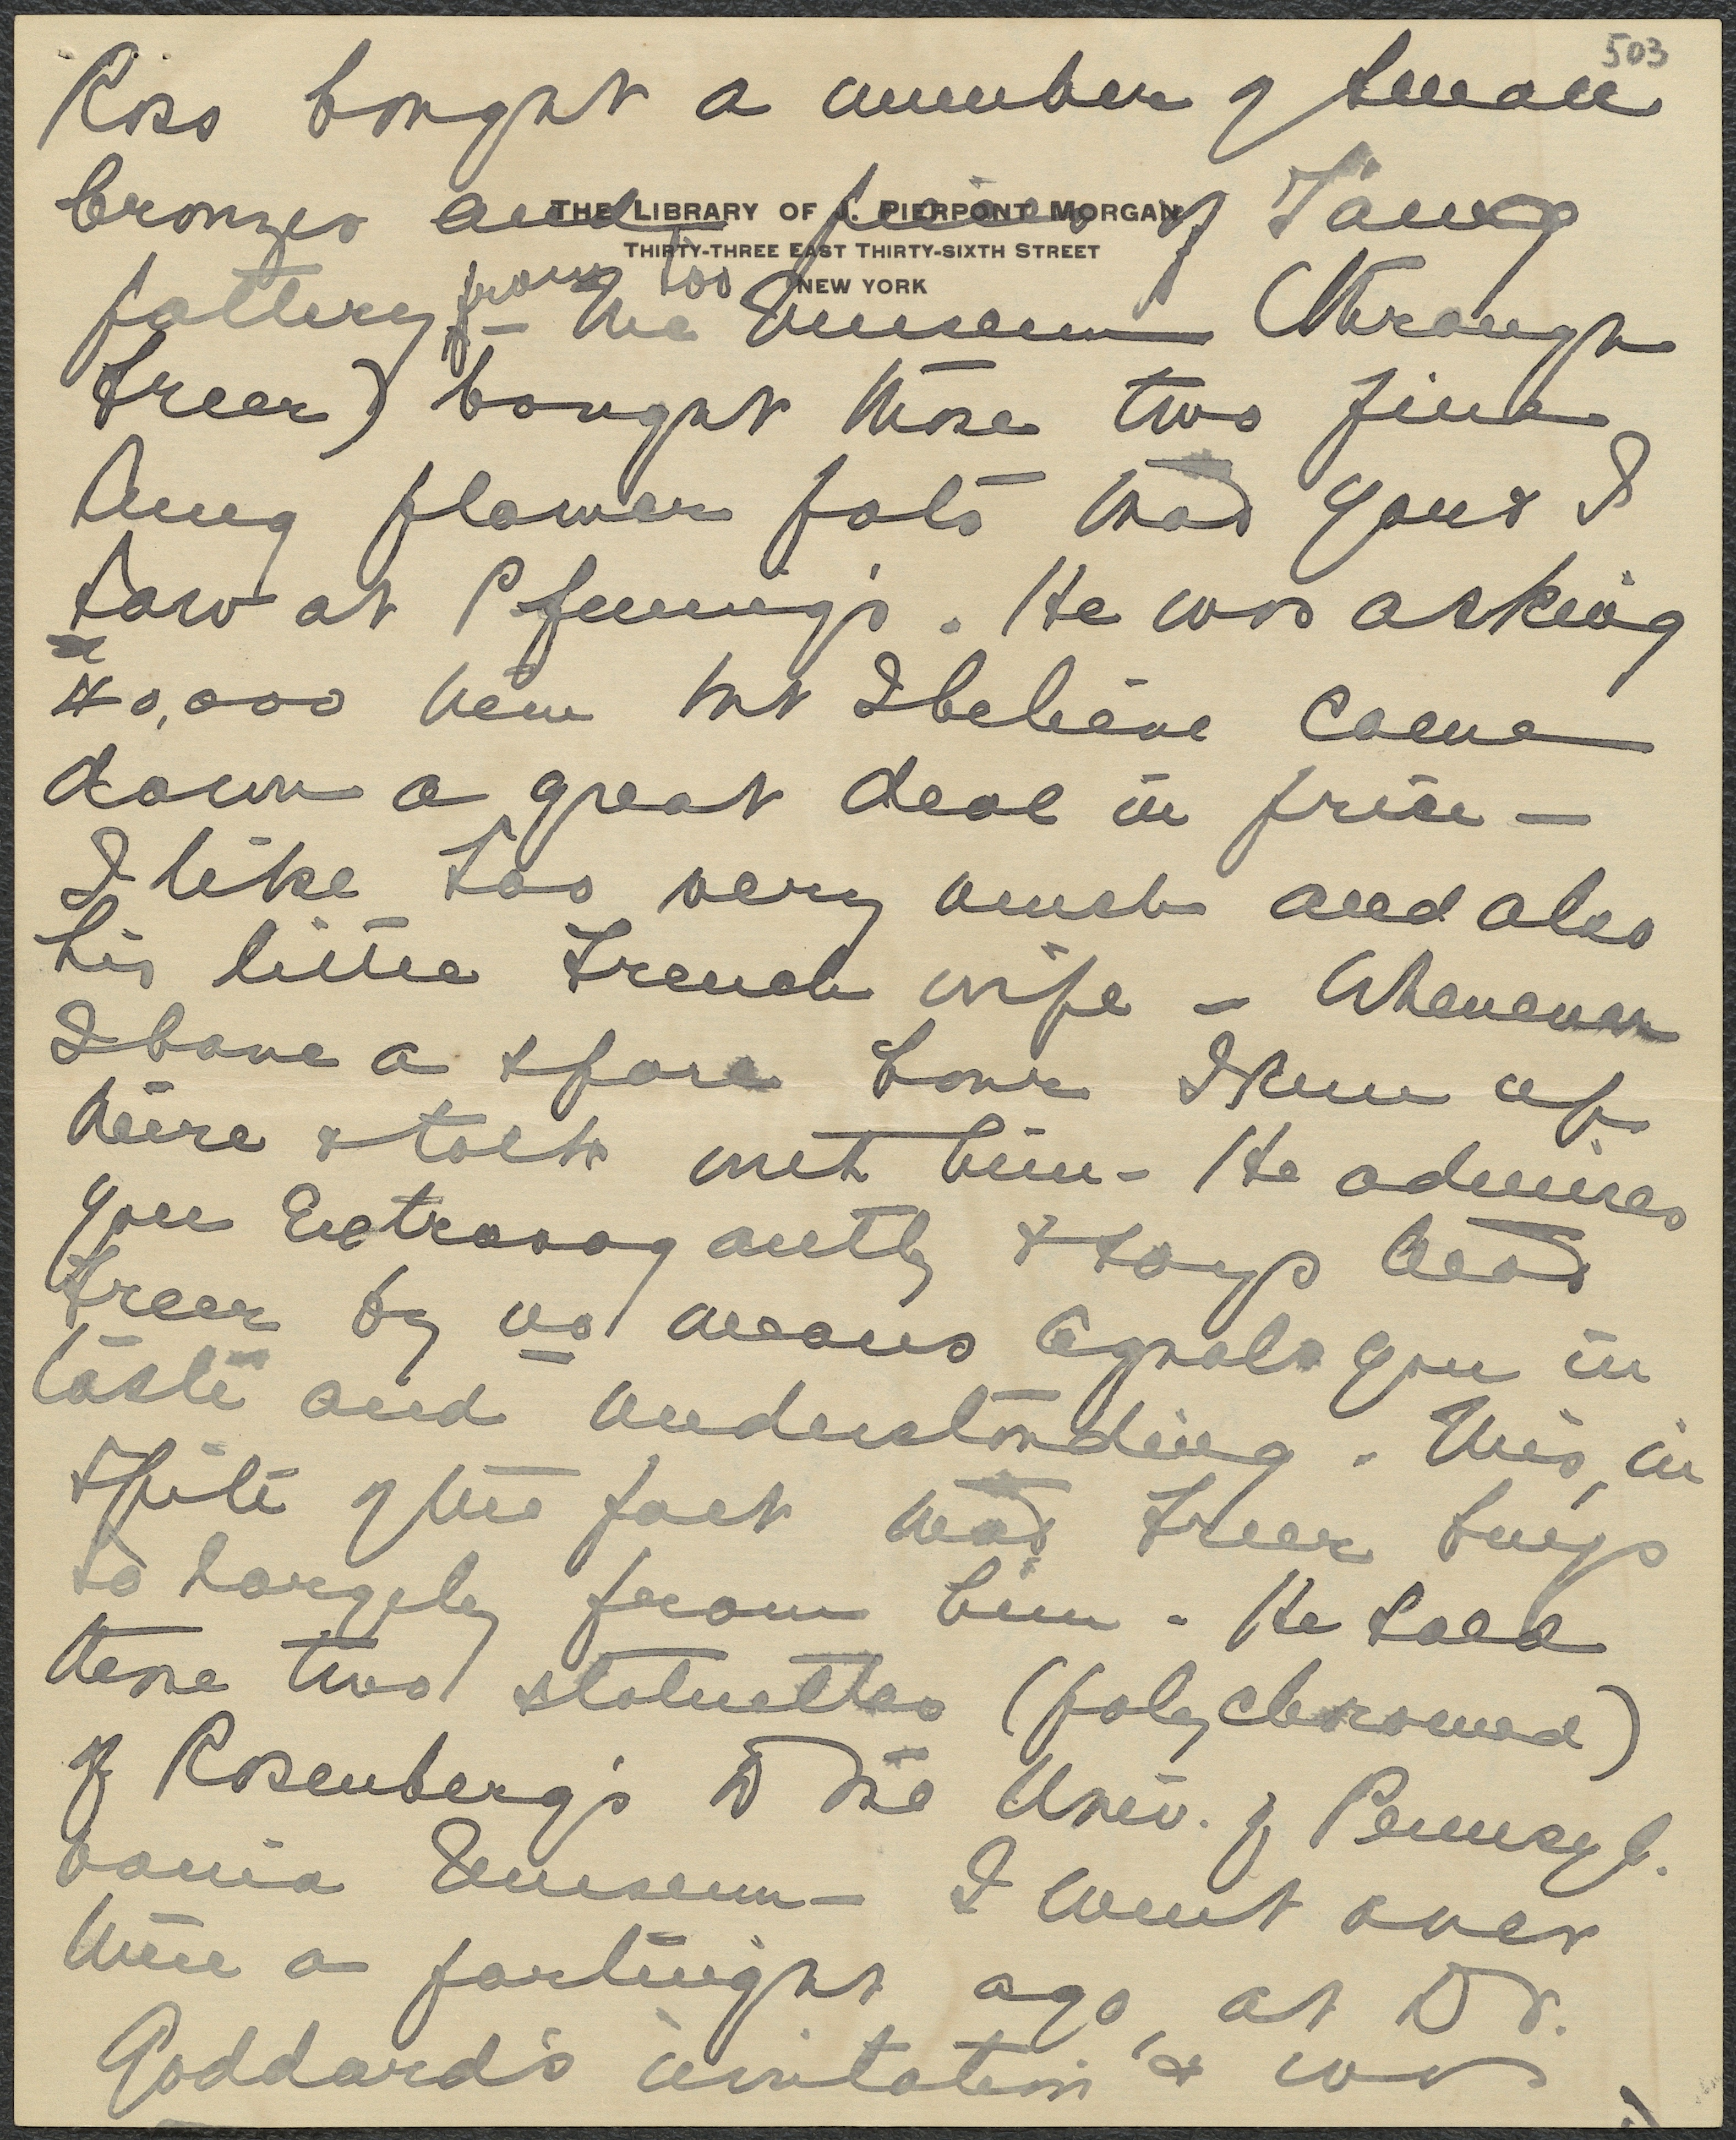Ross bought a number of small bronzes and pieces of T'ang pottery [^from Loo^] – The Museum (through Freer) bought those two fine Sung flower pots that you & I saw at Pfeering's. He was asking $40,000 then but I believe came down a great deal in price – I like Loo very much and also his little French wife – Whenever I have a spare hour I run up there & talk with him – He admires you extravagantly & says that Freer by no means equals you in taste and understanding. This, in spite of the fact that Freer buys so largely from him – He sold these two statuettes (polychromed) of Rosenberg's to the Univ. of Pennsylvania Museum – I went over there a fortnight ago, at Dr. Goddard's invitation & was